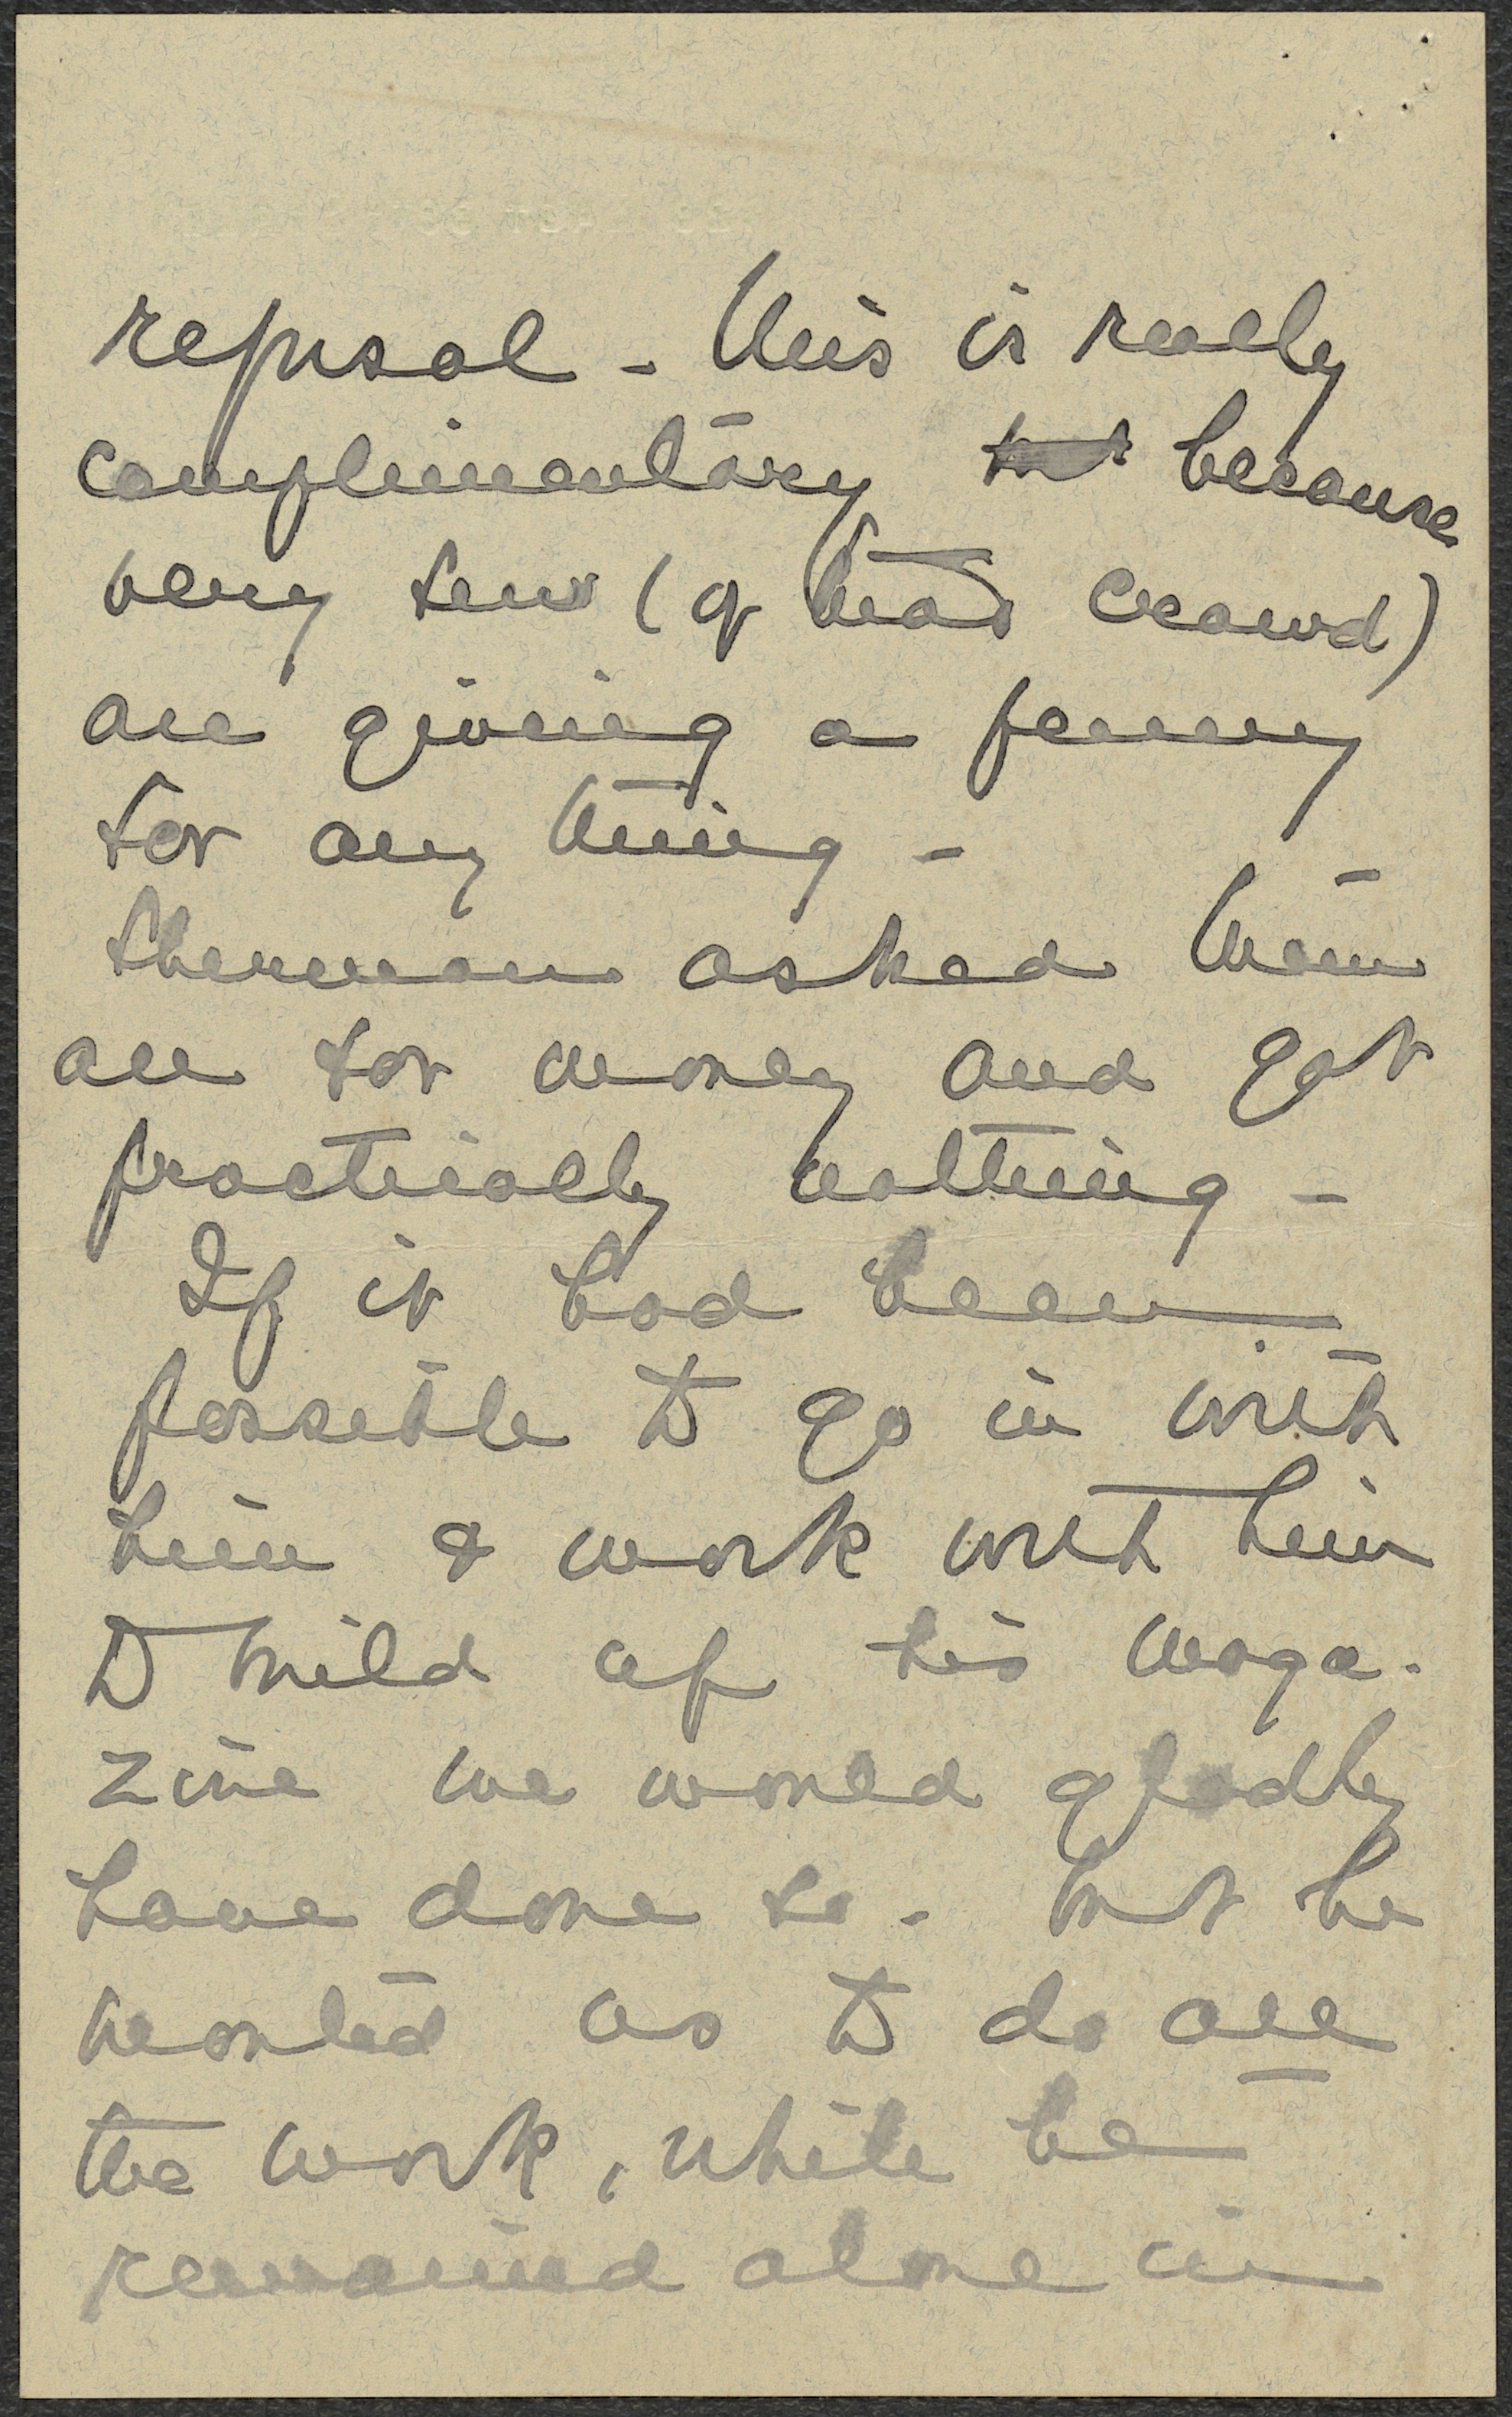refusal – this is really complimentary not because very few (of that crowd) are giving a penny for any thing –
Sherman asked them all for money and got practically nothing –
If it had been possible to go in with him & work with him to build up his magazine we would gladly have done so – but he wanted us to do all the work, while he remained alone in